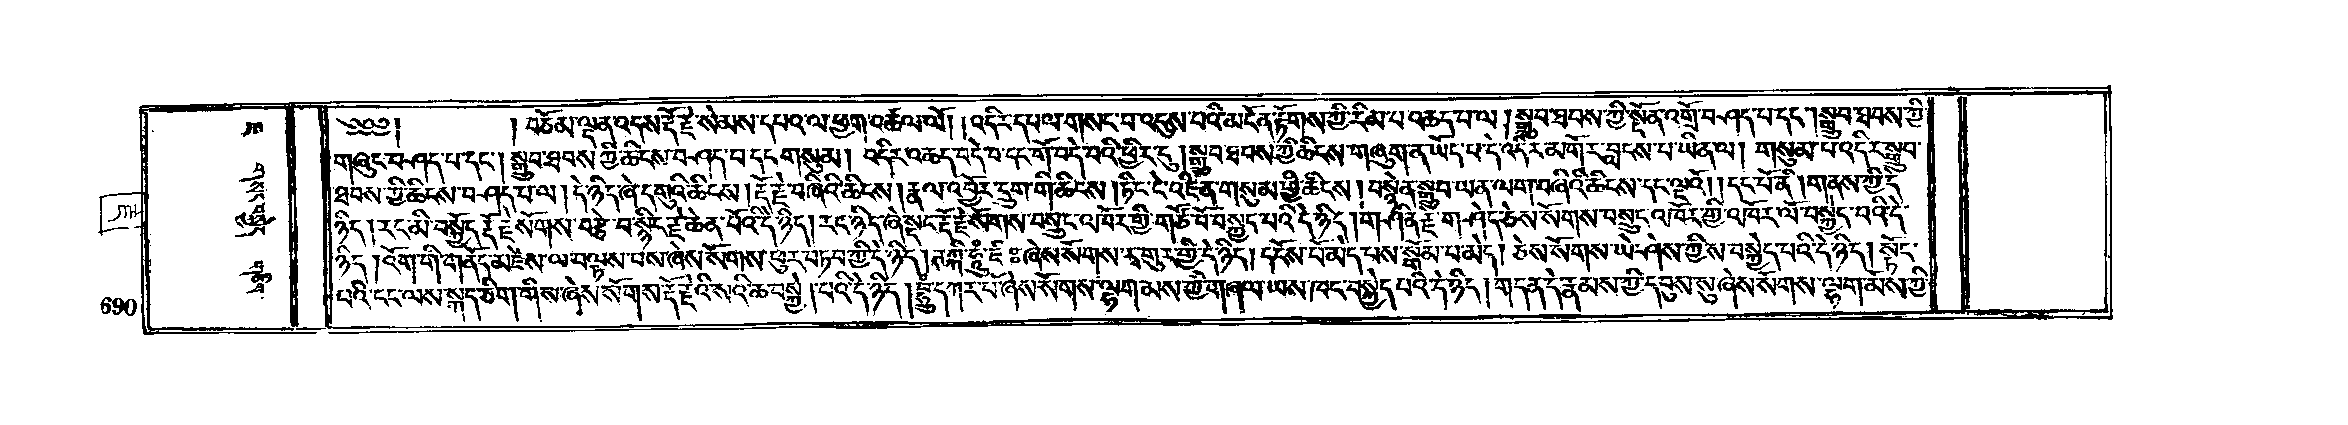༄༅༅། །བཅོམ་ལྡན་འདས་རྡོ་རྗེ་སེམས་དཔའ་ལ་ཕྱག་འཚལ་ལོ། །འདིར་དཔལ་གསང་བ་འདུས་པའི་མངོན་རྟོགས་ཀྱི་རིམ་པ་འཆད་པ་ལ། སྒྲུབ་ཐབས་ཀྱི་སྔོན་འགྲོ་བཤད་པ་དང་། སྒྲུབ་ཐབས་ཀྱི་
གཞུང་བཤད་པ་དང་། སྒྲུབ་ཐབས་ཀྱི་ཆིངས་བཤད་པ་དང་གསུམ། འདིར་འཆད་བདེ་བ་དང་གོ་བདེ་བའི་ཕྱིར་དུ། སྒྲུབ་ཐབས་ཀྱི་ཆིངས་གཞུག་ན་ཡོད་པ་དེ་འདིར་མགོར་བླངས་པ་ཡིན་ལ། གསུམ་པ་འདིར་སྒྲུབ་
ཐབས་ཀྱི་ཆིངས་བཤད་པ་ལ། དེ་ཉིད་ཞེ་དགུའི་ཆིངས། རྡོ་རྗེ་བཞིའི་ཆིངས། རྣལ་འབྱོར་དྲུག་གི་ཆིངས་།ཏིང་ངེ་འཛིན་གསུམ་གྱི་ཆིངས། བསྙེན་སྒྲུབ་ཡན་ལག་བཞིའི་ཆིངས་དང་ལྔའོ། །དང་པོ་ནི། གནས་ཀྱི་དེ་
ཉིད། རང་མི་བསྐྱོད་རྡོ་རྗེ་སོགས་བརྩེ་བ་སྙིང་རྗེ་ཆེན་པོའི་དེ་ཉིད། རང་ཉིད་ཞེ་སྡང་རྡོ་རྗེ་སོགས་བསྲུང་འཁོར་གྱི་གཙོ་བོ་བསྐྱེད་པའི་དེ་ཉིད། གཤིན་རྗེ་གཤེད་ཅེས་སོགས་བསྲུང་འཁོར་གྱི་འཁོར་ལོ་བསྐྱེད་པའི་དེ་
ཉིད། འོག་གི་གནོད་མཛེས་ལ་བལྟས་པས་ཞེས་སོགས་ཕུར་བཏབ་ཀྱི་དེ་ཉིད། ཊཀྐི་ཧཱུཾ་ཛཿ ཞེས་སོགས་རྭ་གུར་གྱི་དེ་ཉིད། དངོས་པོ་མེད་པས་སྒོམ་པ་མེད། ཅེས་སོགས་ཡེ་ཤེས་ཀྱིས་བསྐྱེད་པའི་དེ་ཉིད། སྟོང་
པའི་ངང་ལས་སྐད་ཅིག་གིས་ཞེས་སོགས་རྡོ་རྗེའི་སའི་ཆ་བསྐྱེད་པའི་དེ་ཉིད། བྷྲུཾ་དཀར་པོ་ཞེས་སོགས་ལྷག་མོས་ཀྱི་གཞལ་ཡས་ཁང་བསྐྱེད་པའི་དེ་ཉིད། གདན་དེ་རྣམས་ཀྱི་དབུས་སུ་ཞེས་སོགས་ལྷག་མོས་ཀྱི་